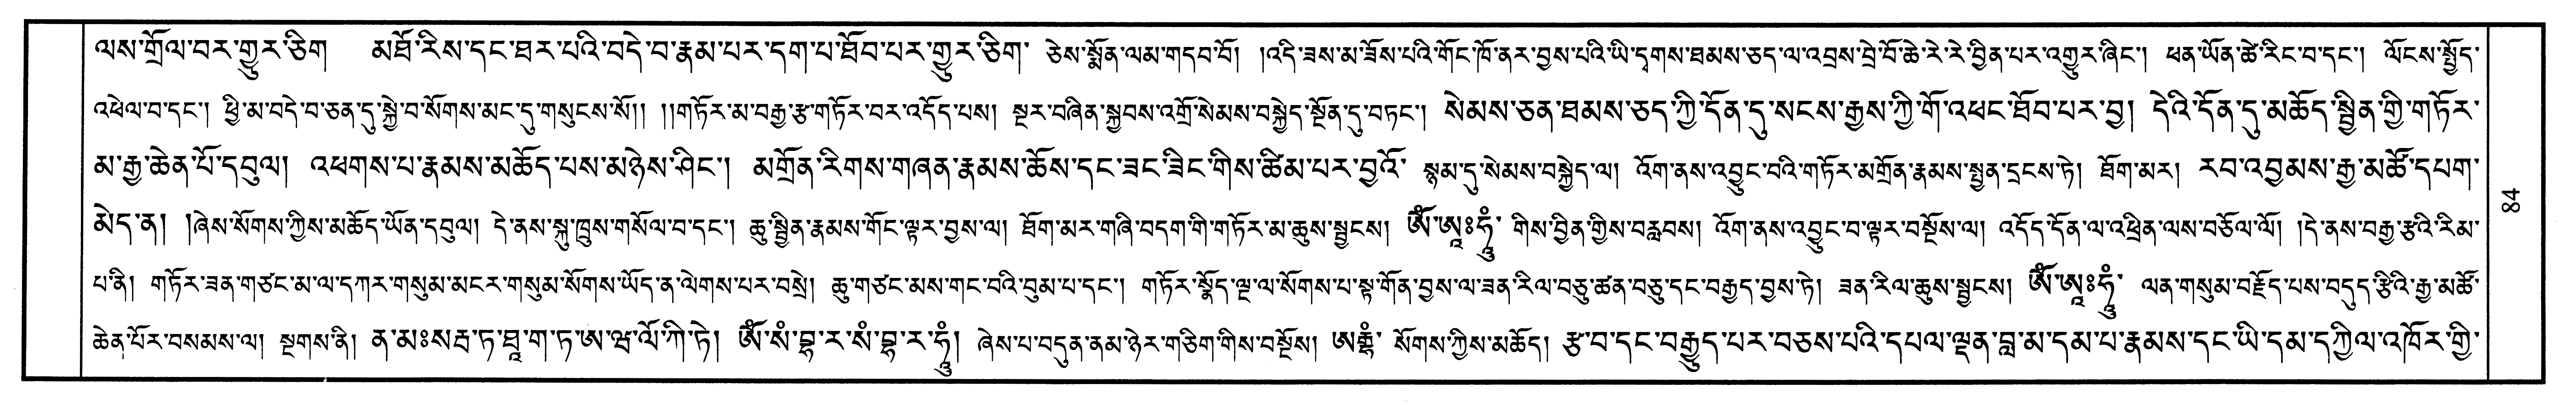ལས་གྲོལ་བར་གྱུར་ཅིག་མཐོ་རིས་དང་ཐར་པའི་བདེ་བ་རྣམ་པར་དག་པ་ཐོབ་པར་གྱུར་ཅིག་ཅེས་སྨོན་ལམ་གདབ་བོ། །འདི་ཟས་མ་ཟོས་པའི་གོང་ཁོ་ནར་བྱས་པའི་ཡི་དྭགས་ཐམས་ཅད་ལ་འབྲས་བྲེ་བོ་ཆེ་རེ་རེ་བྱིན་པར་འགྱུར་ཞིང་། ཕན་ཡོན་ཚེ་རིང་བ་དང་། ལོངས་སྤྱོད་
འཕེལ་བ་དང་། ཕྱི་མ་བདེ་བ་ཅན་དུ་སྐྱེ་བ་སོགས་མང་དུ་གསུངས་སོ།། །།གཏོར་མ་བརྒྱ་རྩ་གཏོར་བར་འདོད་པས། སྔར་བཞིན་སྐྱབས་འགྲོ་སེམས་བསྐྱེད་སྔོན་དུ་བཏང་། སེམས་ཅན་ཐམས་ཅད་ཀྱི་དོན་དུ་སངས་རྒྱས་ཀྱི་གོ་འཕང་ཐོབ་པར་བྱ། དེའི་དོན་དུ་མཆོད་སྦྱིན་གྱི་གཏོར་
མ་རྒྱ་ཆེན་པོ་དབུལ། འཕགས་པ་རྣམས་མཆོད་པས་མཉེས་ཤིང་། མགྲོན་རིགས་གཞན་རྣམས་ཆོས་དང་ཟང་ཟིང་གིས་ཚིམ་པར་བྱའོ་སྙམ་དུ་སེམས་བསྐྱེད་ལ། འོག་ནས་འབྱུང་བའི་གཏོར་མགྲོན་རྣམས་སྤྱན་དྲངས་ཏེ། ཐོག་མར། རབ་འབྱམས་རྒྱ་མཚོ་དཔག་
མེད་ན། །ཞེས་སོགས་ཀྱིས་མཆོད་ཡོན་དབུལ། དེ་ནས་སྐུ་ཁྲུས་གསོལ་བ་དང་། ཆུ་སྦྱིན་རྣམས་གོང་ལྟར་བྱས་ལ། ཐོག་མར་གཞི་བདག་གི་གཏོར་མ་ཆུས་སྦྱངས། ཨོཾ་ཨཱཿ ཧཱུཾ་གིས་བྱིན་གྱིས་བརླབས། འོག་ནས་འབྱུང་བ་ལྟར་བསྔོས་ལ། འདོད་དོན་ལ་འཕྲིན་ལས་བཅོལ་ལོ། །དེ་ནས་བརྒྱ་རྩའི་རིམ་
པ་ནི། གཏོར་ཟན་གཙང་མ་ལ་དཀར་གསུམ་མངར་གསུམ་སོགས་ཡོད་ན་ལེགས་པར་བསྲེ། ཆུ་གཙང་མ་གང་བའི་བུམ་པ་དང་། གཏོར་སྣོད་ལྔ་ལ་སོགས་པ་སྟ་གོན་བྱས་ལ་ཟན་རིལ་བཅུ་ཚན་བཅུ་དང་བརྒྱད་བྱས་ཏེ། ཟན་རིལ་ཆུས་སྦྱངས། ཨོཾ་ཨཱཿ ཧཱུཾ་ལན་གསུམ་བརྗོད་པས་བདུད་རྩིའི་རྒྱ་མཚོ་
ཆེན་པོར་བསམས་ལ། སྔགས་ནི། ན་མཿ སརྦ་ཏ་ཐཱ་ག་ཏ་ཨ་ཝ་ལོ་ཀི་ཏེ། ཨོཾ་སཾ་བྷ་ར་སཾ་བྷ་ར་ཧཱུཾ། ཞེས་པ་བདུན་ནམ་ཉེར་གཅིག་གིས་བསྔོས། ཨརྒྷཾ་སོགས་ཀྱིས་མཆོད། རྩ་བ་དང་བརྒྱུད་པར་བཅས་པའི་དཔལ་ལྡན་བླ་མ་དམ་པ་རྣམས་དང་ཡི་དམ་དཀྱིལ་འཁོར་གྱི་